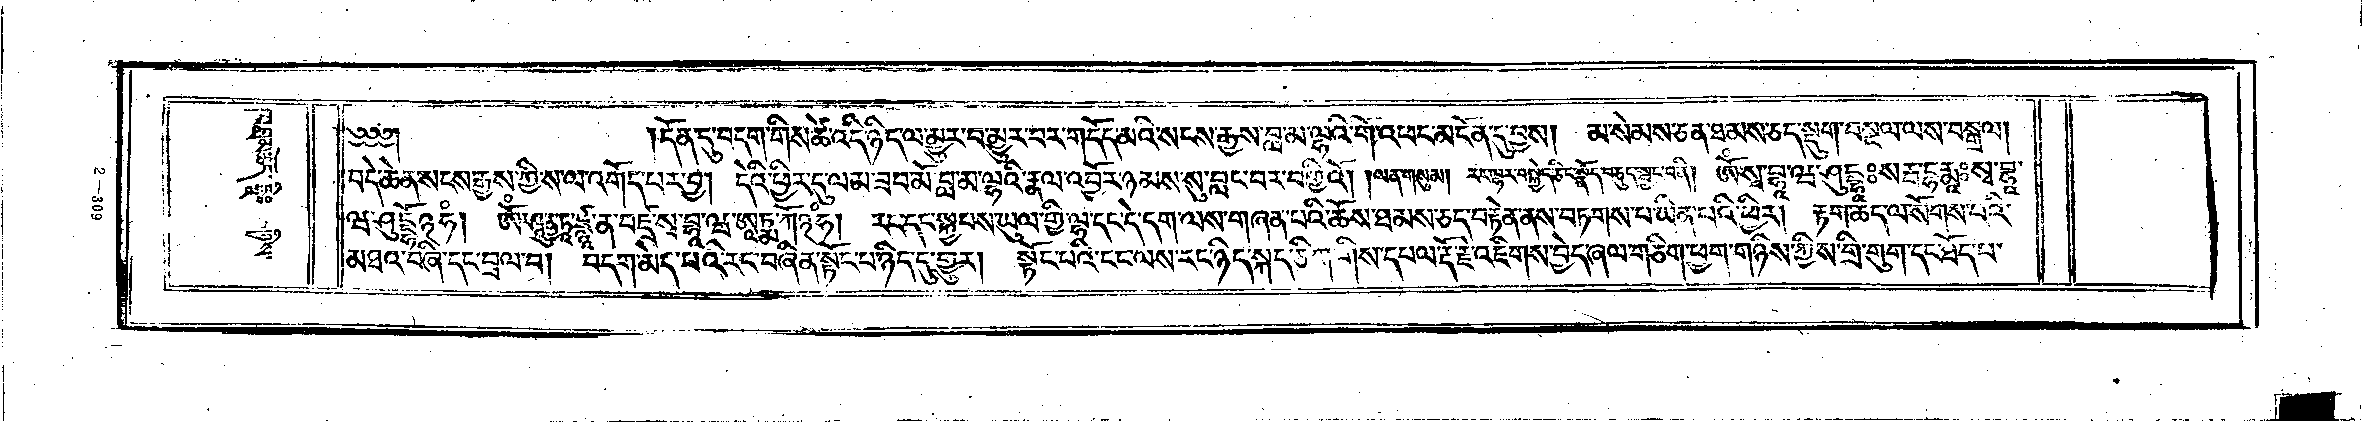༄༅། །དོན་དུ་བདག་གིས་ཚེ་འདི་ཉིད་ལ་མྱུར་བ་མྱུར་བར་གདོད་མའི་སངས་རྒྱས་བླ་མ་ལྷའི་གོ་འཕང་མངོན་དུ་བྱས། མ་སེམས་ཅན་ཐམས་ཅད་སྡུག་བསྔལ་ལས་བསྒྲལ།
བདེ་ཆེན་སངས་རྒྱས་ཀྱི་ས་ལ་འགོད་པར་བྱ། དེའི་ཕྱིར་དུ་ལམ་ཟབ་མོ་བླ་མ་ལྷའི་རྣལ་འབྱོར་ཉམས་སུ་བླང་བར་བགྱིའོ། །ལན་གསུམ། རང་ལྷར་བསྐྱེད་ཅིང་སྣོད་བཅུད་སྦྱང་བ་ནི།  ཨོཾ་སྭ་བྷཱ་ཝ་ཤུདྡྷཱཿསརྦ་དྷརྨཿསྭ་བྷཱ་
ཝ་ཤུདྡྷོཉཧཾ། ཨོཾཤཱུནྱཏཱ་ཛྙཱ་ན་བཛྲ་སྭ་བྷཱ་ཝ་ཨཱཏྨ་ཀོཉྷཾ། རང་དང་སྐྱབས་ཡུལ་གྱི་ལྷ་དང་དེ་དག་ལས་གཞན་པའི་ཆོས་ཐམས་ཅད་བརྟེན་ནས་བཏགས་པ་ཡིན་པའི་ཕྱིར། རྟག་ཆད་ལ་སོགས་པའི་
མཐའ་བཞི་དང་བྲལ་བ། བདག་མེད་པའི་རང་བཞིན་སྟོང་པ་ཉིད་དུ་གྱུར། སྟོང་པའི་ངང་ལས་རང་ཉིད་སྐད་ཅིག་གིས་དཔལ་རྡོ་རྗེ་འཇིགས་བྱེད་ཞལ་གཅིག་ཕྱག་གཉིས་ཀྱིས་གྲི་གུག་དང་ཐོད་པ་